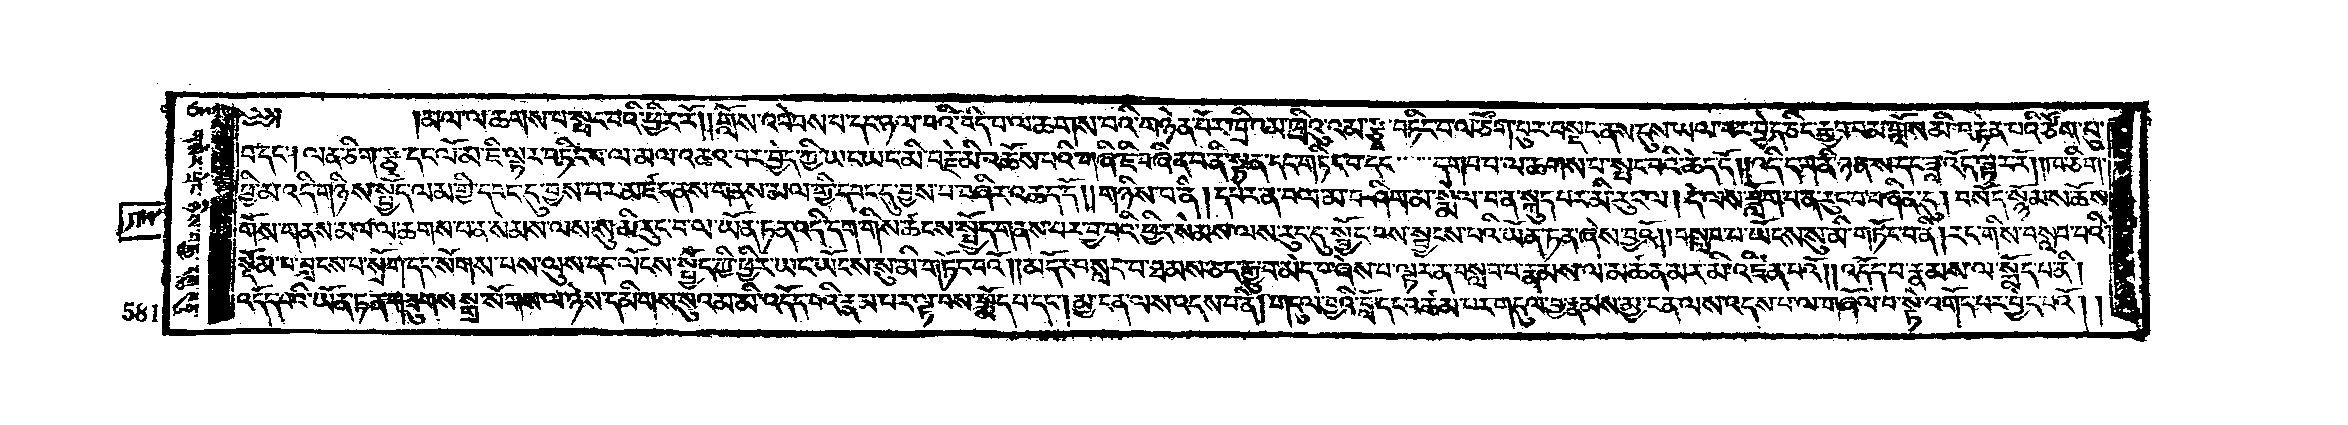༄༅། །མལ་ལ་ཆགས་པ་སྤང་བའི་ཕྱིར་རོ། །གློས་འབེབས་པ་དང་ཉལ་བའི་བདེ་བ་ལ་ཆགས་པའི་གཉེན་པོར་ཁྲི་འམ་ཁྲིའུ་འམ་རྩྭ་བཏིང་བ་ལ་ཙོག་བུར་བསྡད་ནས་དུས་ཡོལ་བར་བྱེད་ཅིང་རྒྱབ་བམ་གློས་མི་བརྟེན་པའི་ཙོག་པུ་
བ་དང་། ལན་ཅིག་རྩྭ་དང་ལོ་མ་ཇི་ལྟར་བཏིང་བ་ལ་མལ་འཆའ་བར་བྱེད་ཀྱི་ཡང་ཡང་མི་བརྟེ་མི་འཆོས་པའི་གཞི་ཇི་བཞིན་པ་ནི་སྟན་དང་གཏིང་བ་དང་དགབ་པ་ལ་ཆགས་པ་སྤང་བའི་ཆེད་དོ། །འདི་དག་ནི་ཉན་ས་དང་ཟླ་འོད་ལྟར་རོ། །ཁ་ཅིག་
ཕྱི་མ་འདི་གཉིས་སྤྱོད་ལམ་གྱི་དབང་དུ་བྱས་པར་མཛད་ནས་གནས་མལ་གྱི་དབང་དུ་བྱས་པ་བཞིར་འཆད་དོ། །གཉིས་པ་ནི། དཔེར་ན་བལ་མ་བཤིག་མ་སྨེལ་བ་ན་སྐུད་པར་མི་རུང་ལ། དེ་ལས་ཟློག་པ་ན་རུང་བ་བཞིན་དུ། བསོད་སྙོམས་ཆོས་
གོས་གནས་མལ་ལ་ཆགས་པ་ན་སེམས་ལས་སུ་མི་རུང་བ་ལ་ཡོན་ཏན་འདི་དག་གིས་ཚངས་སྤྱོད་གནས་པར་བྱ་བའི་ཕྱིར་སེམས་ལས་རུང་དུ་སྦྱོང་བས་སྦྱངས་པའི་ཡོན་ཏན་ཞེས་བྱའོ། །བསླབ་པ་ཡོངས་སུ་མི་གཏོང་བ་ནི། རང་གིས་བསླབ་པའི་
སྡོམ་པ་བླངས་པ་སྲོག་དང་སོགས་པས་ལུས་དང་ལོངས་སྤྱོད་ཀྱི་ཕྱིར་ཡང་ཡོངས་སུ་མི་གཏོང་བའོ། །མདོར་བསླབ་པ་ཐམས་ཅད་རྒྱུ་བ་མེད་པ་ཞེས་པ་ལྟར་ན་བསླབ་པ་རྣམས་ལ་མཚན་མར་མི་འཛིན་པའོ། །འདོད་པ་རྣམས་ལ་སྨོད་པ་ནི།
འདོད་པའི་ཡོན་ཏན་གཟུགས་སྒྲ་སོགས་ལ་ཉེས་དམིགས་སུའམ་མི་འདོད་པའི་རྣམ་པར་ལྟ་བས་སྨོད་པ་དང་། མྱ་ངན་ལས་འདས་པ་ནི། གདུལ་བྱའི་བློ་དང་འཚམ་པར་གདུལ་བྱ་རྣམས་མྱ་ངན་ལས་འདས་པ་ལ་གཞོལ་བ་སྟེ་འགོད་པར་བྱེད་པའོ། །